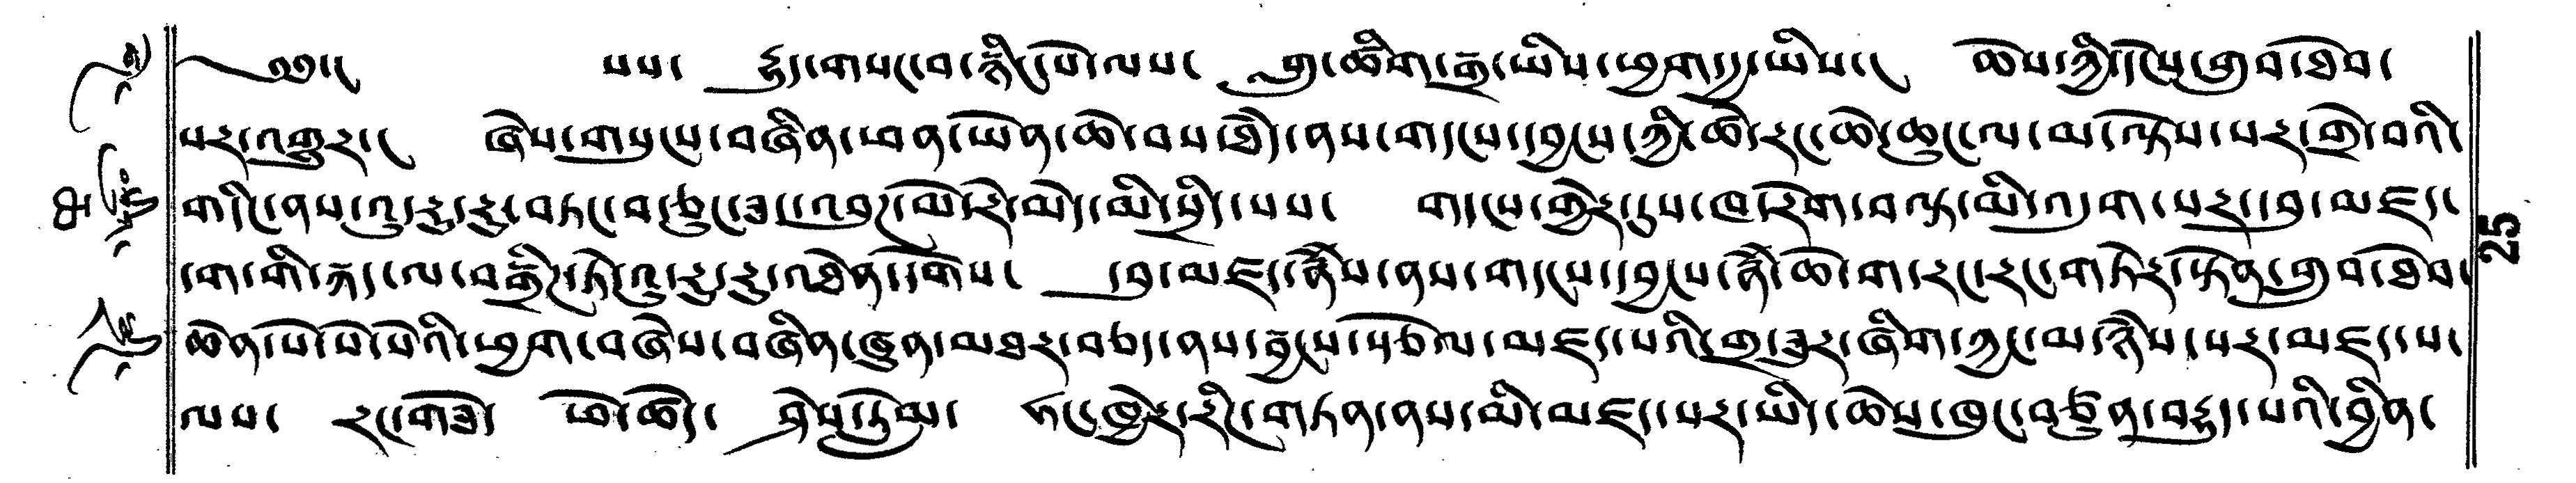པས། རྒྱུད་གསང་བ་སྙིང་པོ་ལས། གླུ་ཚིག་སྒྲ་ཡིས་ཕྱག་རྒྱ་ཡིས། །ཆོས་ཀྱི་དངོས་གྲུབ་ཐོབ་
པར་འགྱུར། ཞེས་གསུངས་བཞིན་ཕན་ཡོན་ཆེ་བས་ཐམས་ཅད་ནས་གདངས་དབྱངས་ཀྱི་ཚེ་རང་སྐད་ཆེ་ཆུང་ལ་མ་ལྟོས་པར་གྲེ་བའི་
གདིང་ནས་འུ་རུ་རུ་བཏང་ན་ཅུང་ཟད་འབུགས་མོ་རེ་མེད་མི་སྲིད་པས། གདངས་གྱེར་དུས་ཁ་རོག་བལྟ་མི་འདུག་པར་དབུ་མཛད་
དག་གི་སྐད་ལ་བསྒྲིགས་ཏེ་འུ་རུ་རུ་འཐེན་དགོས། དབུ་མཛད་རྣམས་ནས་གདངས་དབྱངས་རྣམས་ཆོ་ག་རང་རང་གི་གཏེར་སྟོན་གྲུབ་ཐོབ་
ཆེན་པོ་སོ་སོའི་ཕྱག་བཞེས་བཞིན་ཞུན་མཐར་བཅད་ནས་སྦྱངས་བསྩོན་མཛད་དེ་གྲ་ཟུར་ཞིག་ཀྱང་མ་ཉམས་པར་མཛད་པ་
ལས།རང་གཟོ། ཕོ་ཚོད། ཤེས་རློམ། ཧང་ཁྱེར་རིགས་གཏན་ནས་མི་མཛད་པར་ཡིད་ཆེས་ཁུངས་བཙུན་བརྒྱུད་པའི་བྱིན་